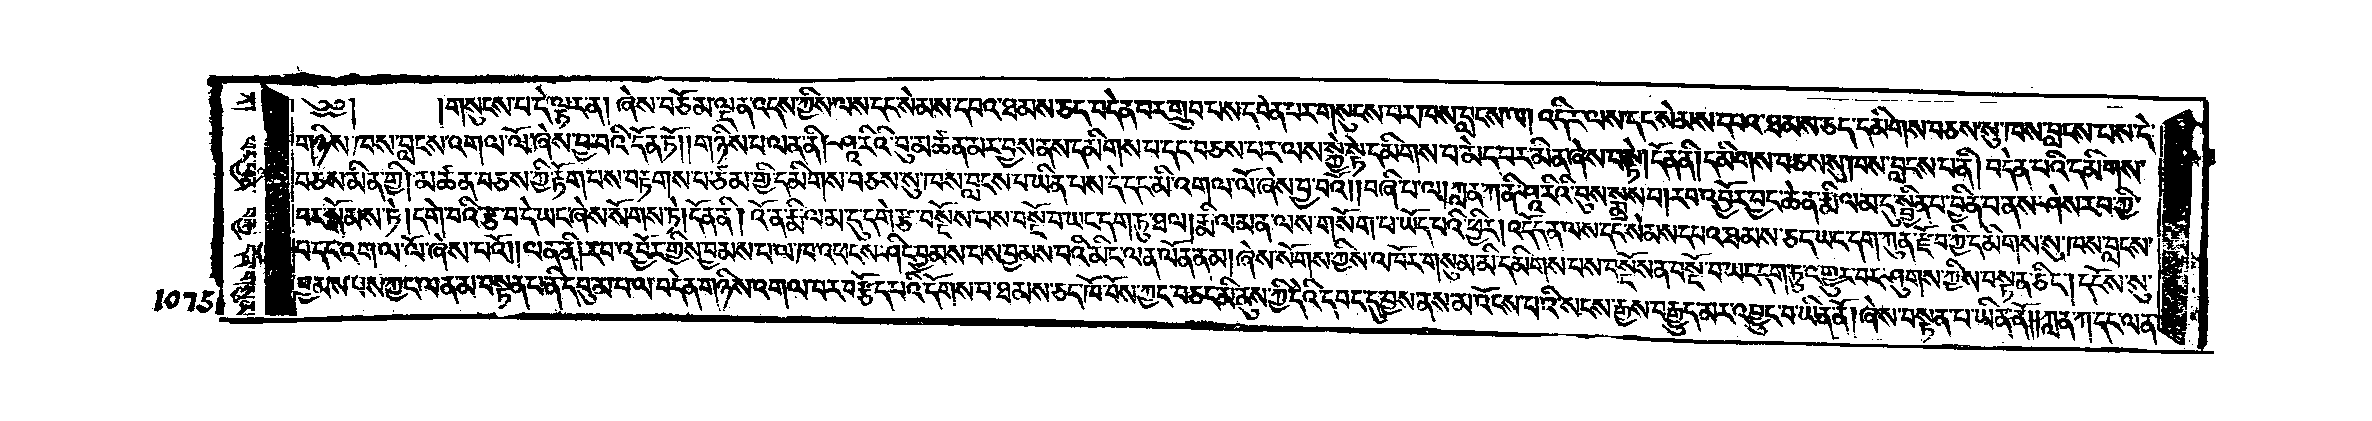༄༅། །གསུངས་པ་དེ་ལྟར་ན། ཞེས་བཅོམ་ལྡན་འདས་ཀྱིས་ལས་དང་སེམས་དཔའ་ཐམས་ཅད་བདེན་པར་གྲུབ་པས་དབེན་པར་གསུངས་པར་ཁས་བླངས་ལ། འདིར་ལས་དང་སེམས་དཔའ་ཐམས་ཅད་དམིགས་བཅས་སུ་ཁས་བླངས་པས་དེ་
གཉིས་ཁས་བླངས་འགལ་ལོ་ཞེས་བྱ་བའི་དོན་ཏོ། །གཉིས་པ་ལན་ནི། ཤཱ་རིའི་བུ་མཚན་མར་བྱས་ནས་དམིགས་པ་དང་བཅས་པར་ལས་སྐྱེ་སྟེ་དམིགས་པ་མེད་པར་མིན་ཞེས་པ་སྟེ། དོན་ནི། དམིགས་བཅས་སུ་ཁས་བླངས་པ་ནི། བདེན་པའི་དམིགས་
བཅས་མིན་གྱི། མཚན་བཅས་ཀྱི་རྟོག་པས་བརྟགས་པ་ཙམ་གྱི་དམིགས་བཅས་སུ་ཁས་བླངས་པ་ཡིན་པས་དེ་དང་མི་འགལ་ལོ་ཞེས་བྱ་བའོ། །བཞི་པ་ལ། ཀླན་ཀ་ནི་ཤཱ་རིའི་བུས་སྨྲས་པ། རབ་འབྱོར་བྱང་ཆེན་རྨི་ལམ་དུ་སྦྱིན་པ་བྱིན་པ་ནས་ཤེས་རབ་ཀྱི་
བར་སྒོམས་ཏེ། དགེ་བའི་རྩ་བ་དེ་ཡང་ཞེས་སོགས་ཏེ། དོན་ནི། འོ་ན་རྨི་ལམ་དུ་དགེ་རྩ་བསྔོས་པས་བསྔོ་བ་ཡང་དག་ཏུ་ཐལ། རྨི་ལམ་ན་ལས་གསོག་པ་ཡོད་པའི་ཕྱིར། འདོད་ན་ལས་དང་སེམས་དཔའ་ཐམས་ཅད་ཡང་དག་ཀུན་རྫོབ་ཀྱི་དམིགས་སུ་ཁས་བླངས་
པ་དང་འགལ་ལོ་ཞེས་པའོ། །ལན་ནི། རབ་འབྱོར་གྱིས་བྱམས་པ་ལ་ཁ་འཕངས་ཤིང་བྱམས་པས་བྱམས་པའི་མིང་ལན་ལོན་ནམ། ཞེས་སོགས་ཀྱིས་འཁོར་གསུམ་མི་དམིགས་པས་བསྔོས་ན་བསྔོ་བ་ཡང་དག་ཏུ་འགྱུར་བར་ཤུགས་ཀྱིས་བསྟན་ཅིང་། དངོས་སུ་
བྱམས་པས་ཀྱང་ལན་མ་བསྟན་པ་ནི་དབུ་མ་པ་ལ་བདེན་གཉིས་འགལ་བར་བརྩོད་པའི་དོགས་པ་ཐམས་ཅད་ཁོ་བོས་ཀྱང་བཅད་མི་ནུས་ཀྱི་དེའི་དབང་དུ་བྱས་ནས་མ་འོངས་པའི་སངས་རྒྱས་བརྒྱུད་མར་འབྱུང་བ་ཡིན་ནོ། ཞེས་བསྟན་པ་ཡིན་ནོ། །ཀླན་ཀ་དང་ལན་